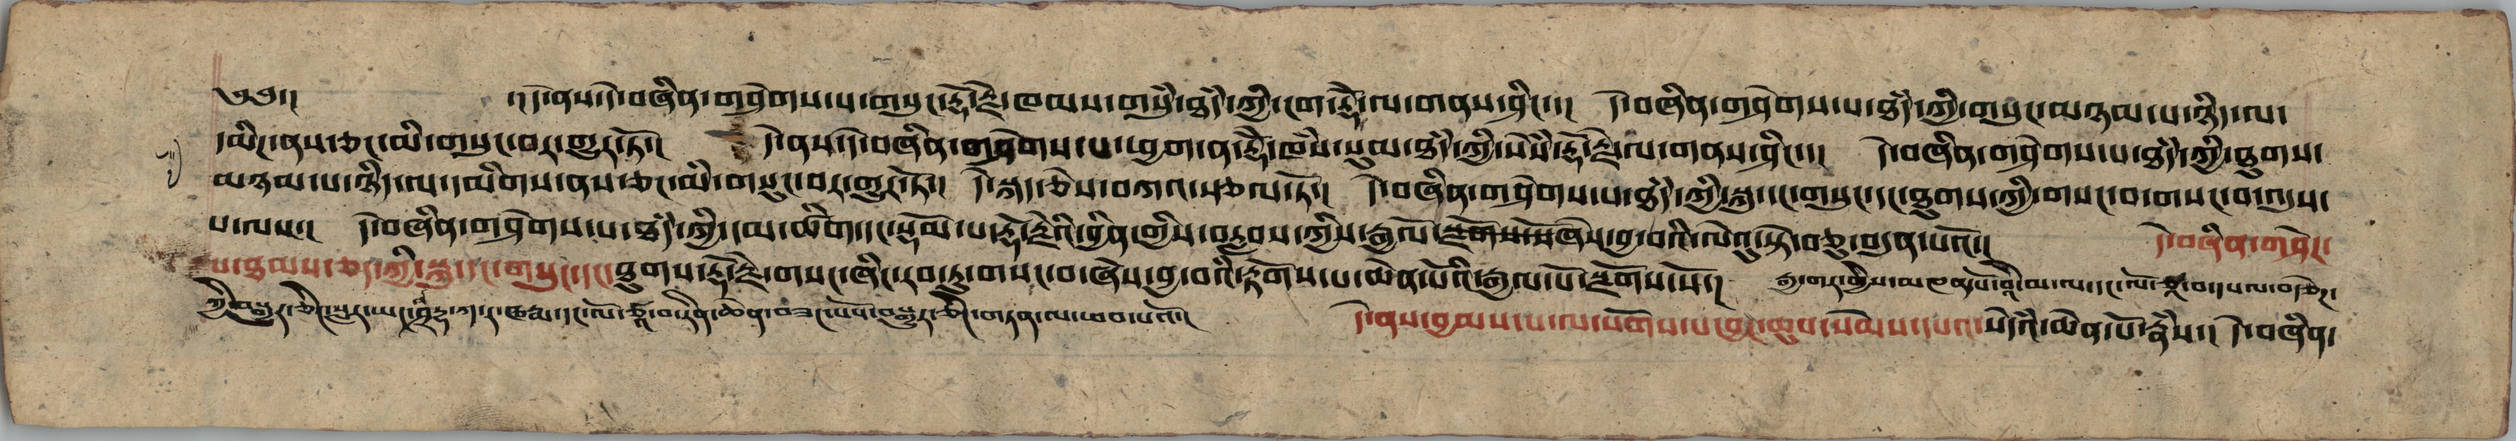༄༅་། ་།དེ་ནས་དེ་བཞིན་གཤེགས་པ་གསུང་རྡོ་རྗེ་ཁམས་གསུཾ་ཐདཾ་ཀྱི་ངག་རྡོེ་ལ་གནས་ཤིང་་། དེ་བཞིན་གཤེགས་པ་ཐདཾ་ཀྱི་གསུང་མཉམ་པ་ཉིད་ལ་
དམིཌ་ནས་ཅང་མི་གསུང་བར་གྱུར་ཏོ་། དེ་ནས་དེ་བཞིན་གཤེགས་པ་ཕྱག་ན་རྡོེ་ཁཾས་སུམ་ཐདཾ་ཀྱི་རྡོ་རྗེ་ལ་གནས་ཤིང་་། དེ་བཞིན་གཤེགས་པ་ཐདཾ་ཀྱི་ཐུགས་
མཉམ་པ་ཉིད་ལ་དམིགས་ནས་ཅང་མི་གསུང་བར་གྱུར་ཏོ་། དེ་སྐད་ཅེས་བཀའ་སྩལ་ཏོ་། དེ་བཞིན་གཤེགས་པ་ཐདཾ་ཀྱི་སྐུ་དང་གསུང་དང་ཐུགས་ཀྱི་གསང་བ་གསང་བ་འདུས་
པ་ལས་། དེ་བཞིན་གཤེགས་པ་ཐདཾ་ཀྱི་དམ་ཚིག་སྡོམ་པ་རྡོ་རྗེའི་བྱིན་བརླབས་ཀྱིས་རྒྱལོ་སྫོགས་སོ་ཞེས་བྱ་བའི་ལེའུ་སྟེ་བཅུ་བདུན་པའོ་། དེ་བཞིན་གཤེཌ་
པ་ཐམས་ཅད་ཀྱི་སྐུ་དང་གསུང་དང་ཐུགས་རྡོ་རྗེ་གསང་ཞིང་རབ་ཏུ་གསང་བ་ཞེས་བྱ་བའི་རྟོགས་པ་ཆེན་པོའི་རྒྱལ་པོ་སྫོགས་སོ་། རྒྱ་གར་གྱིས་མཁན་པོ་བཱི་མ་ལ་དང་ལོ་ཙཱ་བ་དཔལ་བརྩེཌ་
ཀྱི་བསྒྱུར་ཅིང་སླར་ཡང་ཤྲི་དྷ་ཀ་ར་ཝརྨ་ལོ་ཙཱ་བ་རིན་ཆེན་བཟང་པོས་བསྒྱུར་ཅིང་གཏན་ལ་ཕབ་པའོ་། དེ་ནས་བྱམས་པ་ལ་སོགས་པ་བྱང་ཆུབ་སེམས་དཔའ་སེདཾའ་ཆེན་པོ་རྣཾས་། དེ་བཞིན་